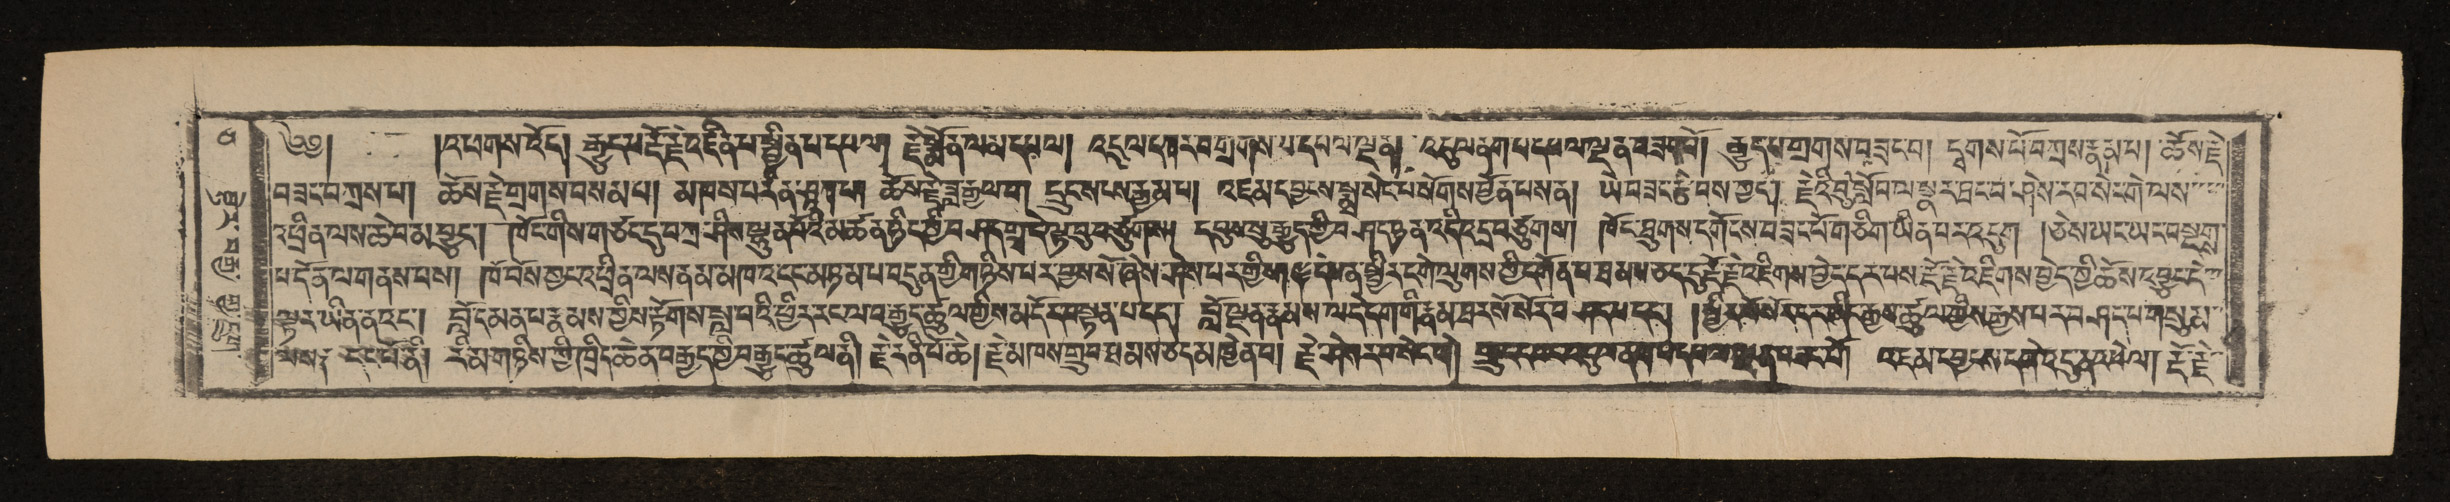༄༅། །འཕགས་འོད། རྒྱུད་པ་རྡོ་རྗེ་འཛིན་པ་སྦྱིན་པ་དཔལ། རྗེ་སྨོན་ལམ་དཔལ། འདུལ་དཀར་བ་གྲགས་པ་དཔལ་ལྡན། འདུལ་ནག་པ་དཔལ་ལྡན་བཟང་པོ། རྒྱུད་པ་གྲགས་བཟང་པ། དྭགས་པོ་བཀྲས་རྣམ་པ། ཆོས་རྗེ་
བཟང་བཀྲས་པ། ཆོས་རྗེ་གྲགས་བསམ་པ། མཁས་པ་རིན་ཤཱཀ་པ། ཆོས་རྗེ་ཟླ་རྒྱལ་བ། དྲུང་སངས་རྒྱས་པ། འཇམ་དབྱངས་སྨྲ་སེང་པ་སོགས་བྱོན་པས་ན། ཡེ་བཟང་རྩེ་བས་ཀྱང་། རྗེའི་བུ་སློབ་ལ་སྣར་ཐང་བ་ཤེས་རབ་སེང་གེ་ལས་
འཕྲིན་ལས་ཆེ་བ་མ་བྱུང་། ཁོང་གིས་གཙང་དུ་བཀྲ་ཤིས་ལྷུན་པོའི་མཚན་ཉིད་ཀྱི་བཤད་གྲྭ་དེ་ལྟ་བུ་བཙུགས། དབུས་སུ་རྒྱུད་ཀྱི་བཤད་ཉན་འདི་འདྲ་བཙུགས། ཁོང་ཐུགས་དགོངས་བཟང་པོ་གཅིག་ཡིན་པར་འདུག །ཅེས་ཡང་ཡང་བསྔགས་
པ་དོན་ལ་གནས་པས། ཁོ་བོས་ཀྱང་འཕྲིན་ལས་ནམ་མཁའ་དང་མཉམ་པ་བདུན་གྱི་གཉིས་པར་བྱས་སོ་ཞེས་ཤེས་པར་གྱིས། ༈ དེས་ན་སྤྱིར་དགེ་ལུགས་ཀྱི་དགོན་པ་ཐམས་ཅད་དུ་རྡོ་རྗེ་འཇིགས་བྱེད་དར་བས་རྡོ་རྗེ་འཇིགས་བྱེད་གྱི་ཆོས་འབྱུང་དེ་
ལྟར་ཡིན་ནའང་། བློ་དམན་པ་རྣམས་ཀྱིས་རྟོགས་སླ་བའི་ཕྱིར་རང་ལ་བརྒྱུད་ཚུལ་གྱིས་མདོར་བསྟན་པ་དང་། བློ་ལྡན་རྣམས་ལ་དེ་དག་གི་རྣམ་ཐར་སོ་སོར་བཤད་པ་དང་། སྤྱིར་སོ་སོར་དར་ཞིང་རྒྱས་ཚུལ་གྱིས་རྒྱས་པར་བཤད་པ་གསུམ་
ལས༑ དང་པོ་ནི། རིམ་གཉིས་ཀྱི་ཁྲིད་ཆེན་བརྒྱད་ཀྱི་བརྒྱུད་ཚུལ་ནི། རྗེ་རིན་པོ་ཆེ། རྗེ་མཁས་གྲུབ་ཐམས་ཅད་མཁྱེན་པ། རྗེ་ཤེས་རབ་སེང་གེ། གྲུབ་དབང་འདུལ་ནག་པ་དཔལ་ལྡན་བཟང་པོ། འཇམ་དབྱངས་དགེ་འདུན་འཕེལ། རྡོ་རྗེ་